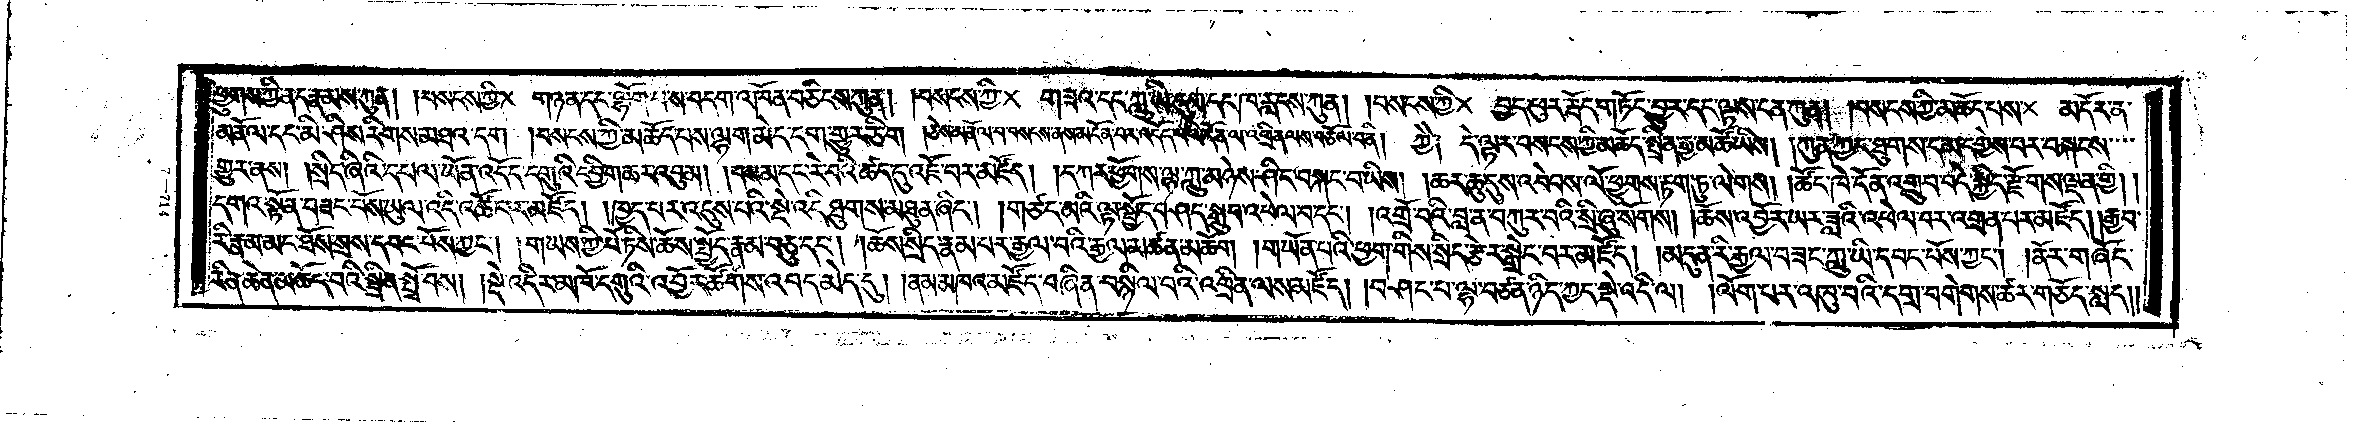ཕྱུགས་ཀྱི་ནད་རྣམས་ཀུན། །བསངས་ཀྱི་྾་གཉན་དང་ལྷོག་པ་ས་བདག་འཁོན་བཅིངས་ཀུན། །བསངས་ཀྱི་྾་གཟའ་དང་ཀླུ་ཡི་དུག་དང་ཁ་རླངས་ཀུན། །བསངས་ཀྱི་྾་བྱད་ཕུར་རྦོད་གཏོང་བྱུར་དང་ལྟས་ངན་ཀུན། །བསངས་ཀྱི་མཆོད་པས་྾་མདོར་ན་
མནོལ་དང་མི་ཤིས་རིགས་མཐའ་དང་། །བསངས་ཀྱི་མཆོད་པས་ལྷག་མེད་དག་གྱུར་ཅིག་།ཅེས་མནོལ་བ་བསངས་ནས་མངོན་པར་འདོད་པའི་དོན་ལེ་འཕྲིན་ལས་བཅོལ་བ་ནི།  ཀྱཻ༑ དེ་ལྟར་བསངས་ཀྱི་མཆོད་སྤྲིན་རྒྱ་མཚོ་ཡིས། །ཀུན་ཀྱང་ཐུགས་དམ་དགྱེས་བར་བསྐངས་
གྱུར་ནས། །སྲིད་ཞིའི་དཔལ་ཡོན་འདོད་དགུའི་དབྱིག་ཆར་འབུམ། །བསམ་དང་རེ་བའི་ཚད་དུ་འཇོ་བར་མཛོད། །དཀར་ཕྱོགས་ལྷ་ཀླུ་མཉེས་ཤིང་བསྐང་བ་ཡིས། །ཆར་ཆུ་དུས་འབེབས་ལོ་ཕྱུགས་རྟག་ཏུ་ལེགས། །ཚོང་ཁེ་དོན་འགྲུབ་བདེ་སྐྱིད་རྫོགས་ལྡན་གྱི། །
དགའ་སྟོན་བཟང་པོས་ཡུལ་འདི་འཚོ་བར་མཛོད། །ཁྱད་པར་འདུས་པའི་སྡེ་འདི་ཐུགས་མཐུན་ཞིང་། །གཙང་མའི་ལྟ་སྤྱོད་བཤད་སྒྲུབ་འཕེལ་བ་དང་། །འགྲོ་བའི་བླ་ན་བཀུར་བའི་སྲི་ཞུ་སོགས། །ཆོས་འབྱོར་ཡར་ཟླའི་འཕེལ་བར་འགྲན་པར་མཛོད། །རྒྱབ་
རི་རྣམ་མང་ཐོས་སྲས་དབང་པོས་ཀྱང་། །གཡས་ཀྱི་པོ་ཏིས་ཆོས་སྤྱོད་རྣམ་བཅུ་དང་། །ཆོས་སྲིད་རྣམ་བར་རྒྱལ་བའི་རྒྱལ་མཚན་མཆོག །གཡོན་པའི་ཕྱག་གིས་སྲིད་རྩེར་སྒྲེང་བར་མཛོད། །མདུན་རི་རྒྱལ་བཟང་ཀླུ་ཡི་དབང་པོས་ཀྱང་། །ནོར་གཞོང་
རིན་ཆེན་མཆོད་པའི་སྤྲིན་སྤྲོ་བས། །སྡེ་འདིར་མཁོ་དགུའི་འབྱོར་ཚོགས་འབད་མེད་དུ། །ནམ་མཁའ་མཛོད་བཞིན་བསྙིལ་བའི་འཕྲིན་ལས་མཛོད། །བཤད་པ་ལྷ་བཙན་ཉིད་ཀྱང་སྡེ་འདི་ལ། །ལོག་པར་འཁུ་བའི་དགྲ་བགེགས་ཚར་གཅོད་སླད།།